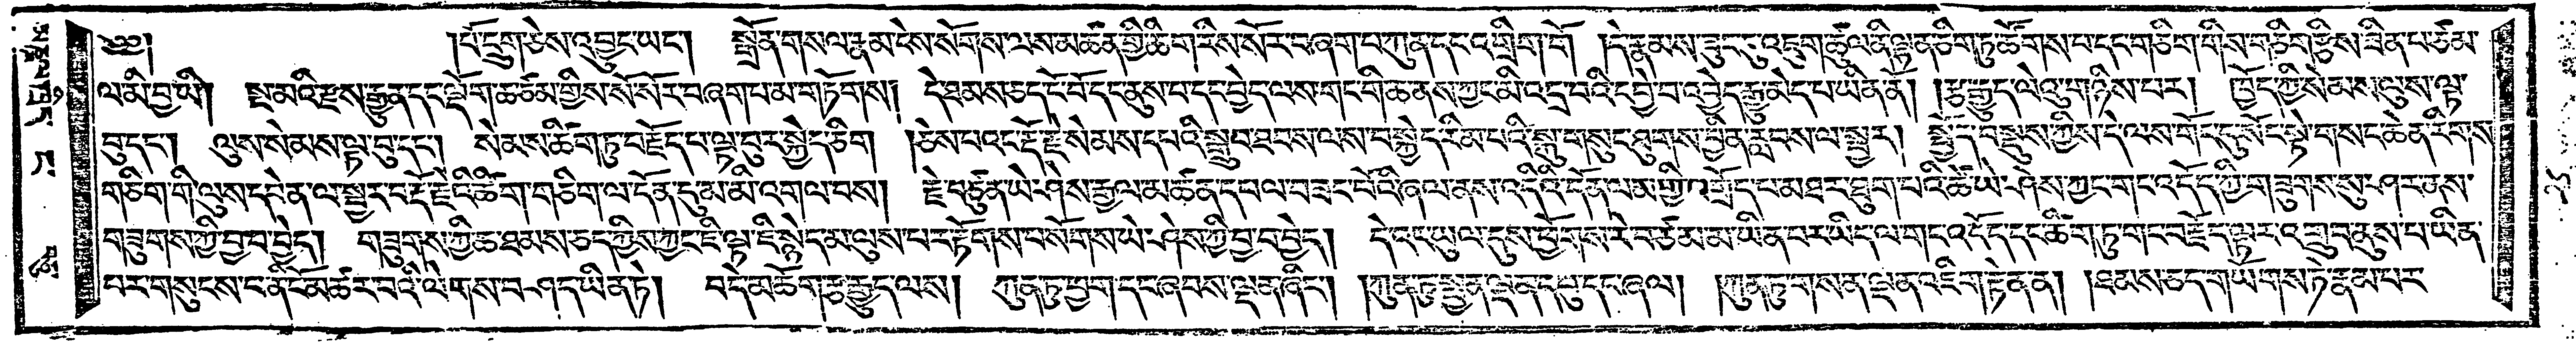༄༅། །པོ་དྲུག་ཅེས་འབྱུང་ཡང་། སྒྲོན་གསལ་རྣམ་ངེས་སོགས་ལས་མཚན་གྱི་ཆིག་རིས་སོར་བཞག་པ་ཀུན་དང་འགྲིག་གོ། །དེ་རྣམས་ཟུང་དུ་འཇུག་ཚུལ་ནི་ལྷན་ཅིག་ཏུ་ཚོགས་པ་དང་གཅིག་གིས་གཅིག་རྩིས་ཟིན་པ་ཙམ་
ལ་མི་བྱ་ཡི། སྔ་མའི་རྫས་རྒྱུན་དང་ལྡོག་ཆ་ཙམ་གྱིས་སོ་སོར་བཞག་པ་མ་གཏོགས། དེ་ཐམས་ཅད་ངོ་བོ་དང་ནུས་པ་དང་བྱེད་ལས་གང་གི་ཆ་ནས་ཀྱང་མི་འདྲ་བའི་དབྱེ་བ་འབྱེད་རྒྱུ་མེད་པ་ཡིན་ནོ། །རྩ་རྒྱུད་ལེའུ་གཉིས་པར། ཁྱོད་ཀྱི་སེམས་ལུས་ལྟ་
བུ་དང་། ལུས་སེམས་ལྟ་བུ་དང་། སེམས་ཚིག་ཏུ་བརྗོད་བ་ལྟ་བུར་སྐྱེད་ཅིག །ཅེས་པའྔ་རྡོ་རྗེ་སེམས་དཔའི་སྒྲུབ་ཐབས་ལས་བསྐྱེད་རིམ་པའི་སྐུ་གསུང་ཐུགས་བྱིན་རླབས་ལ་སྦྱར། སྤྱོད་བསྡུས་ཀྱིས་དེ་ལས་གོང་དུ་སོང་སྟེ་གསང་ཆེན་རིགས་
གཅིག་གི་ལུས་དབེན་ལ་སྦྱར་བ་རྡོ་རྗེའི་ཚིག་གཅིག་ལ་དོན་དུ་མ་མི་འགལ་བས། རྗེ་བརྩུན་ཡེ་ཤེས་རྒྱལ་མཚན་དཔལ་བཟང་པོའི་ཞལ་ནས་འདིའི་དོན་ལམ་གྱི་འགྲོད་པ་མཐར་ཐུག་པའི་ཚེ་ཡེ་ཤེས་ཀྱང་གང་འདོད་ཀྱི་གཟུགས་སུ་ཤར་ནས་
གཟུགས་ཀྱི་བྱ་བ་བྱེད། གཟུགས་ཀྱི་ཆ་ཐམས་ཅད་ཀྱིས་ཀྱང་ཇི་ལྟ་ཇི་སྙེད་མ་ལུས་པར་རྟོགས་པ་སོགས་ཡེ་ཤེས་ཀྱི་བྱ་བ་བྱེད། དེ་འང་ཡུལ་དུས་ཕྱོགས་རེ་བ་ཙམ་མ་ཡིན་པར་ཡིད་ལ་གང་འདོད་དང་ཚིག་ཏུ་གང་བརྗོད་ལྟར་འགྲུབ་ནུས་པ་ཡིན་
པར་གསུངས་པ་ནི་ངོ་མཚར་བའི་ལེགས་བཤད་ཡིན་ཏེ། བདེ་མཆོག་རྩ་རྒྱུད་ལས། ཀུན་ཏུ་ཕྱག་དང་ཞབས་ལྡན་ཞིང་། །ཀུན་ཏུ་སྤྱན་ལྡན་དབུ་དང་ཞལ། །ཀུན་ཏུ་གསན་ལྡན་འཇིག་རྟེན་ན། །ཐམས་ཅད་གཡོགས་ཏེ་རྣམ་པར་